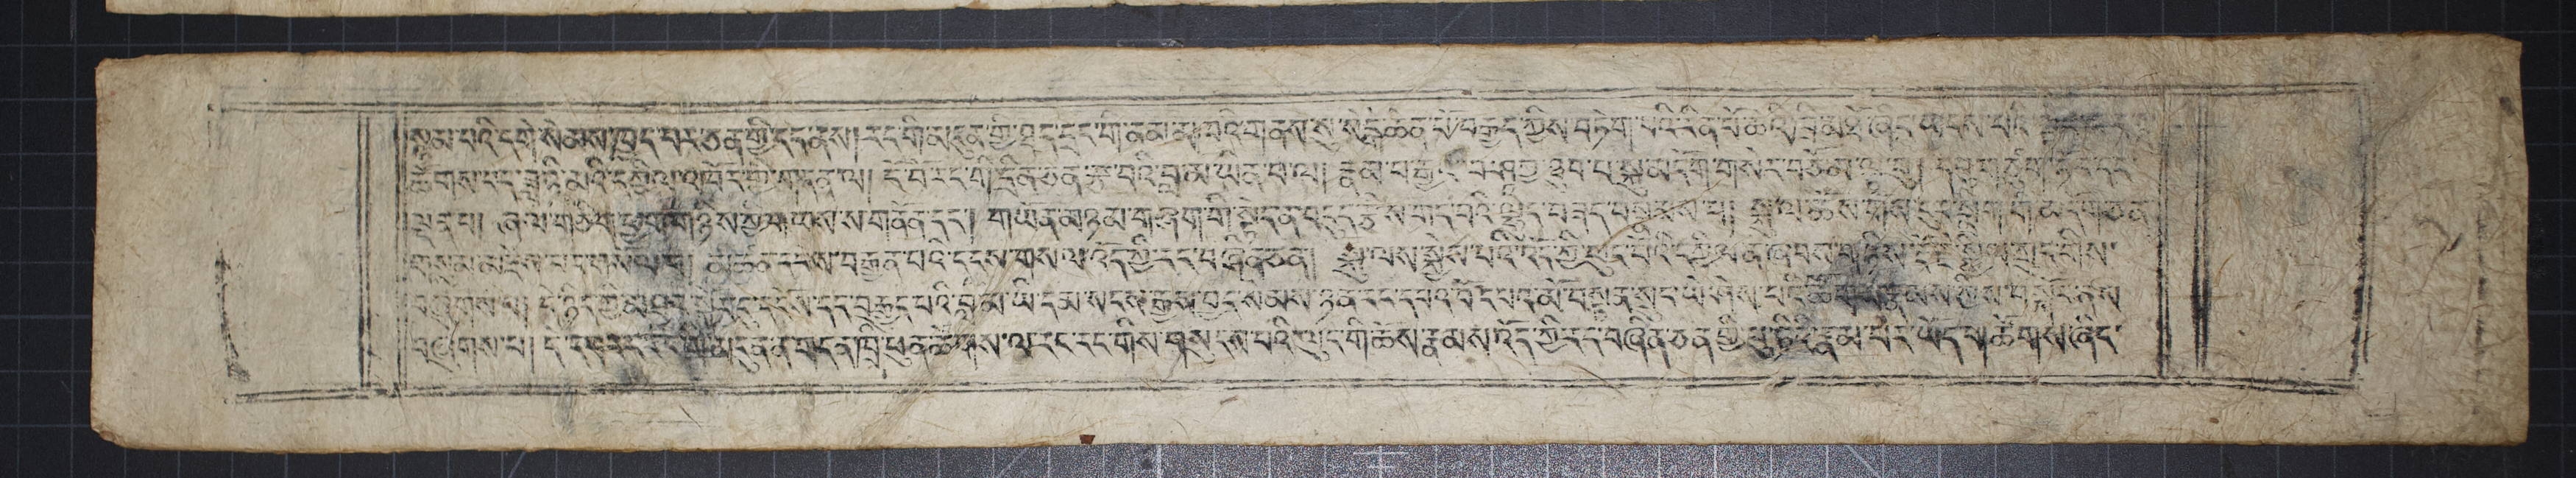སྙམ་པའི་དགེ་སེམས་ཁྱད་པར་ཅན་གྱི་ངང་ནས། རང་གི་བདུན་གྱི་ཐད་དྲང་གི་ནམ་མཁའི་གནས་སུ་སེངྒེ་ཆེན་པོ་བརྒྱད་ཀྱིས་བཏེག་པའི་རིན་པོ་ཆེའི་ཁྲིམ་ཐོ་ཞིང་ཡངས་པའི་སྟེར་ཁར་སྣ་
ཚོགས་བད་ཟླ་ཉི་མའི་དཀྱིལ་འཁོར་གྱི་གདན་ལ། ངོ་བོ་རང་གི་དྲིན་ཅན་རྩ་བའི་བླ་མ་ཡིན་པ་ལ། རྣམ་པ་རྒྱལ་བ་ཤཱཀྱ་ཐུབ་པ་སྐུ་མདོག་གསེར་བཙོ་མ་ལྟ་བུ། དབུ་གཙུག་ཏོར་དང་
ལྡན་པ། ཞལ་གཅིག་ཕྱག་གཉིས་ཀྱི་གཡས་ས་གནོན་དང་། གཡོན་མཉམ་གཞག་གི་སྟེང་ན་བདུད་རྩིས་གང་བའི་ལྷུང་བཟེད་བསྣམས་པ། སྐུ་ལ་ཆོས་གོས་ངུར་སྨྲིག་གི་མདོག་ཅན་
གསུམ་མཛེས་པར་གསོལ་བ། མཚན་དཔེས་བརྒྱན་པའི་དྭངས་གསལ་འོད་ཀྱི་རང་བཞིན་ཅན། སྐུ་ལས་སྐྱེས་པའི་འོད་ཀྱི་ཕུང་པོའི་དཀྱིལ་ན་ཞབས་གཉིས་རྡོ་རྗེ་སྐྱིལ་ཀྲུང་གིས་
བཞུགས་པ། དེ་ཉིད་ཀྱི་མཐའ་སྐོར་དུ་དངོས་དང་བརྒྱུད་པའི་བླ་མ་ཡིད་དམ་སངས་རྒྱས་བྱང་སེམས་ཉན་རང་དཔའ་བོ་དཔའ་མོ་བསྟན་སྲུང་ཡེ་ཤེས་པའི་ཚོགས་རྣམས་ཀྱིས་བསྐོར་ནས་
བཞུགས་པ། དེ་དག་རང་རང་གི་མདུན་ན་གདན་ཁྲི་ཕུན་ཚོགས་ལ་རང་རང་གིས་གསུངས་པའི་ལུང་གི་ཆོས་རྣམས་འོད་ཀྱི་རང་བཞིན་ཅན་གྱི་པུ་ཏིའི་རྣམ་པར་ཡོད་པ། ཚོགས་ཞིང་